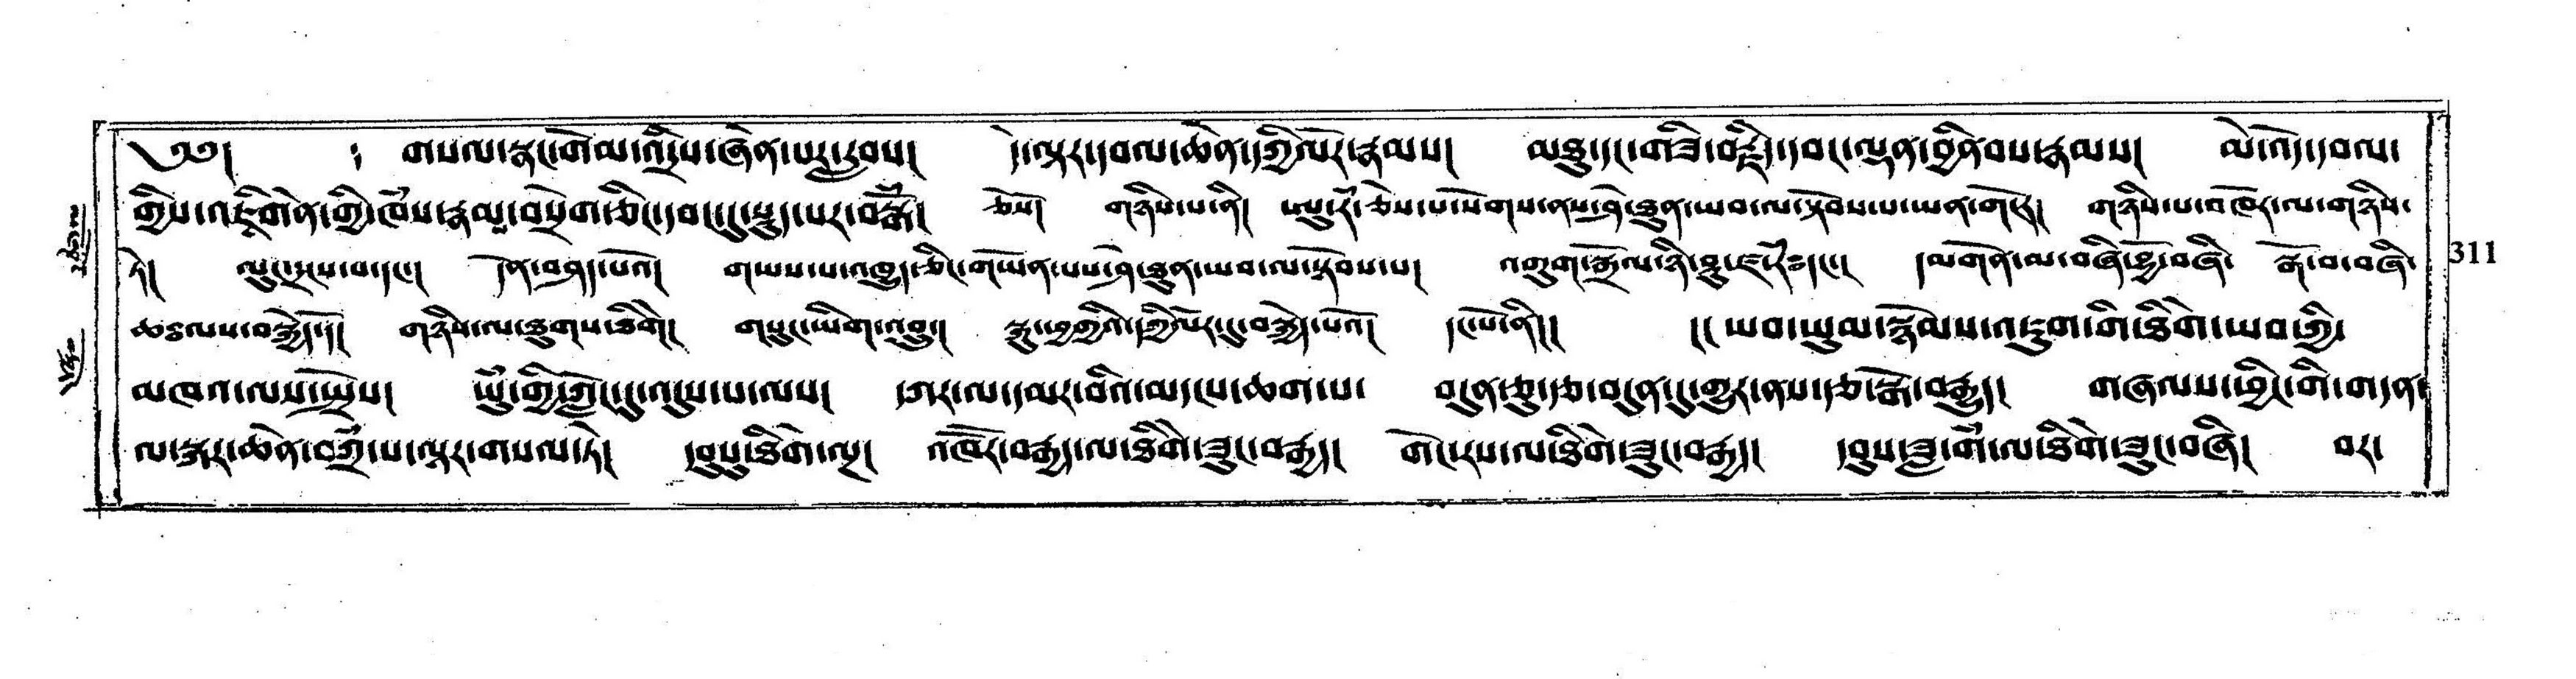གསལ་སྣང་གོམ་འདྲིས་ཞེན་པར་རླབས། དེ་ལྟར་དབལ་ཆེན་དཀྱིལ་འཁོར་རྣམས། མཐུ་དང་གཟི་བརྗིད་དབང་ལྡན་བྱིན་རླབས་རྣམས། མེ་འོད་དབལ་
གྱི་འཇིག་རྟེན་གྱི་ཁམས་རྣམས་བསྲེག་ཅིང་དབང་དུ་སྡུད་པར་བསྒོམ། ཅེས་སོ། གཉིས་པ་ནི། ཨུ་རཾ་ཅེས་པ་སོགས་ནས་ཤེ་ཐུན་ཡབ་ལ་སྟོབས་པ་ཡན་གོང་ལྟར། གཉིས་པ་འཁོར་ལ་གཉིས་
ཏེ། ལུང་དྲངས་པ་དང་། དོན་བཤད་པའོ། གཡས་པ་འཁྱུད་ཅིང་གཡོན་པས་ཤེ་ཐུན་ཡབ་ལ་སྟོབས་པ། འགུག་སྒྲོལ་ཉི་ཤུ་ཛ་རཾཿདང་། དམག་དཔོན་མ་བཞི་བྷྱོ་བཞི་སྒོ་བ་བཞི་
ཆཿལས་བསྐྱེད་དོ། གཉིས་ལ་ཐུགས་ཐིག་ལེ། གསུང་ཡིག་འབྲུ། སྐུ་ཕྱག་རྒྱའི་དཀྱིལ་འཁོར་དུ་བསྐྱེད་པའོ། དང་པོ་ནི།། །།ཡབ་ཡུམ་སྙོམས་འཇུག་གི་ཐིག་ལེ་ཡབ་ཀྱི་
མཁའ་ལས་སྤྲོས། ཡུམ་གྱི་ཀློང་དུ་འདུས་པ་ལས། དཀར་ལ་དམར་བའི་མདངས་ཆག་པ། བདུན་ཅུ་རྩ་བདུན་དུ་གྱུར་ནས་རྩ་སྒོ་བརྒྱུད། གཞལ་ཡས་ཕྱི་ནང་གི་གདན་
ལ་སྐར་ཆེན་བཀྲམ་པ་ལྟར་གསལ་ཏེ། དབུས་སུ་ཐིག་ལེ་ལྔ། འཁོར་ལོ་བརྒྱད་ལ་ཐིག་ལེ་ཟུང་བརྒྱད། གོང་རས་ལ་ཐིག་ལེ་ཟུང་བརྒྱད། དབུས་ཟླ་གམ་ལ་ཐིག་ལེ་ཟུང་བཞི། བར་